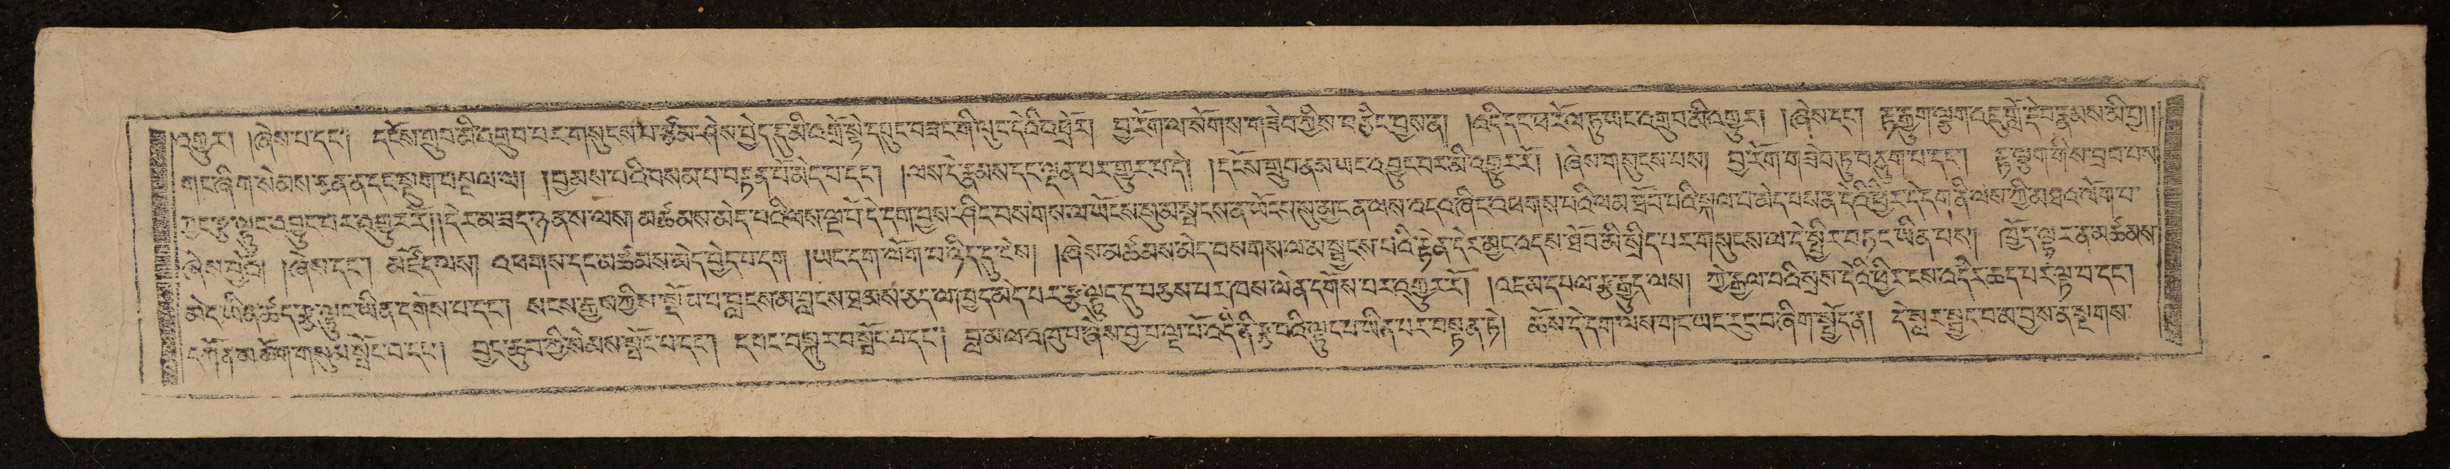འགྱུར། །ཞེས་པ་དང་། དངོས་གྲུབ་མི་འགྲུབ་པར་གསུངས་པ་ཙམ་ཤེས་བྱེད་དུ་མི་འགྲོ་སྟེ་དཔུང་བཟང་གི་ལུང་དེའི་འཕྲོར། བྱ་རོག་ལ་སོགས་གཟེབ་ཀྱིས་བཅིང་བྱས་ན། །འདི་དང་ཕ་རོལ་ཏུ་ཡང་འགྲུབ་མི་འགྱུར། །ཞེས་དང་། རྟ་རྒྱུག་ལྕག་འཇུ་གློ་རྡེབ་རྣམས་མི་བྱ། །
གང་ཞིག་སེམས་ཅན་ན་དང་སྡུག་བསྔལ་ལ། །བྱམས་པའི་བསམ་པ་བརྟན་པོ་མེད་པ་དང་། །ལས་དེ་རྣམས་དང་ལྡན་པར་གྱུར་པ་དེ། །དངོས་གྲུབ་ནམ་ཡང་འབྱུང་བར་མི་འགྱུར་རོ། །ཞེས་གསུངས་པས། བྱ་རོག་གཟེབ་ཏུ་བཅུག་པ་དང་། རྟ་ལྕག་གིས་བྲབ་པས་
ཀྱང་རྩ་ལྟུང་འབྱུང་བར་འགྱུར་རོ། །དེར་མ་ཟད་ཉ་ནས་ལས། མཚམས་མེད་པའི་ལས་ལྔ་པོ་དེ་དག་བྱས་ཤིང་བསགས་ལ་ཡོངས་སུ་མ་སྤངས་ན་ཡོངས་སུ་མྱང་ན་ལས་འདའ་ཞིང་འཕགས་པའི་ལམ་ཐོབ་པའི་སྐལ་བ་མེད་པས་ན་དེའི་ཕྱིར་དེ་དག་ནི་ལས་ཀྱི་མཐའ་ལོག་པ་
ཞེས་བྱའོ། །ཞེས་དང་། མཛོད་ལས། འཕགས་དང་མཚམས་མེད་བྱེད་པ་དང་། ཡང་དག་ལོག་པ་ཉིད་དུ་ངེས། །ཞེས་མཚམས་མེད་བསགས་ལ་མ་སྦྱངས་པའི་རྟེན་དེར་མྱང་འདས་ཐོབ་མི་སྲིད་པར་གསུངས་ལ་དེ་སྤྱིར་བཏང་ཡིན་པས། ཁྱོད་ལྟར་ན་མཚམས་
མེད་ཡིན་ཚད་རྩ་ལྟུང་ཡིན་དགོས་པ་དང་། སངས་རྒྱས་ཀྱིས་སྡོམ་པ་བླངས་མ་བླངས་ཐམས་ཅད་ལ་ཁྱད་མེད་པར་རྩ་ལྟུང་དུ་བཅས་པར་ཁས་ལེན་དགོས་པར་འགྱུར་རོ། །འཇམ་དཔལ་རྩ་རྒྱུད་ལས། ཀྱེ་རྒྱལ་བའི་སྲས་དེའི་ཕྱིར་ངས་འདིར་ཆད་པར་ལྟ་བ་དང་།
དཀོན་མཆོག་གསུམ་སྤོང་བ་དང་། བྱང་ཆུབ་ཀྱི་སེམས་སྤོང་བ་དང་། དབང་བསྐུར་བ་སྤོང་བ་དང་། བླ་མ་ལ་འཁུ་བ་ཞེས་བྱ་བ་ལྔ་པོ་འདི་ནི་རྩ་པའི་ལྟུང་བ་ཡིན་པར་བསྟན་ཏེ། ཆོས་དེ་དག་ལས་གང་ཡང་རུང་བ་ཞིག་སྤྱོད་ན། དེ་སླར་སྦྱང་བ་མ་བྱས་ན་སྔགས་